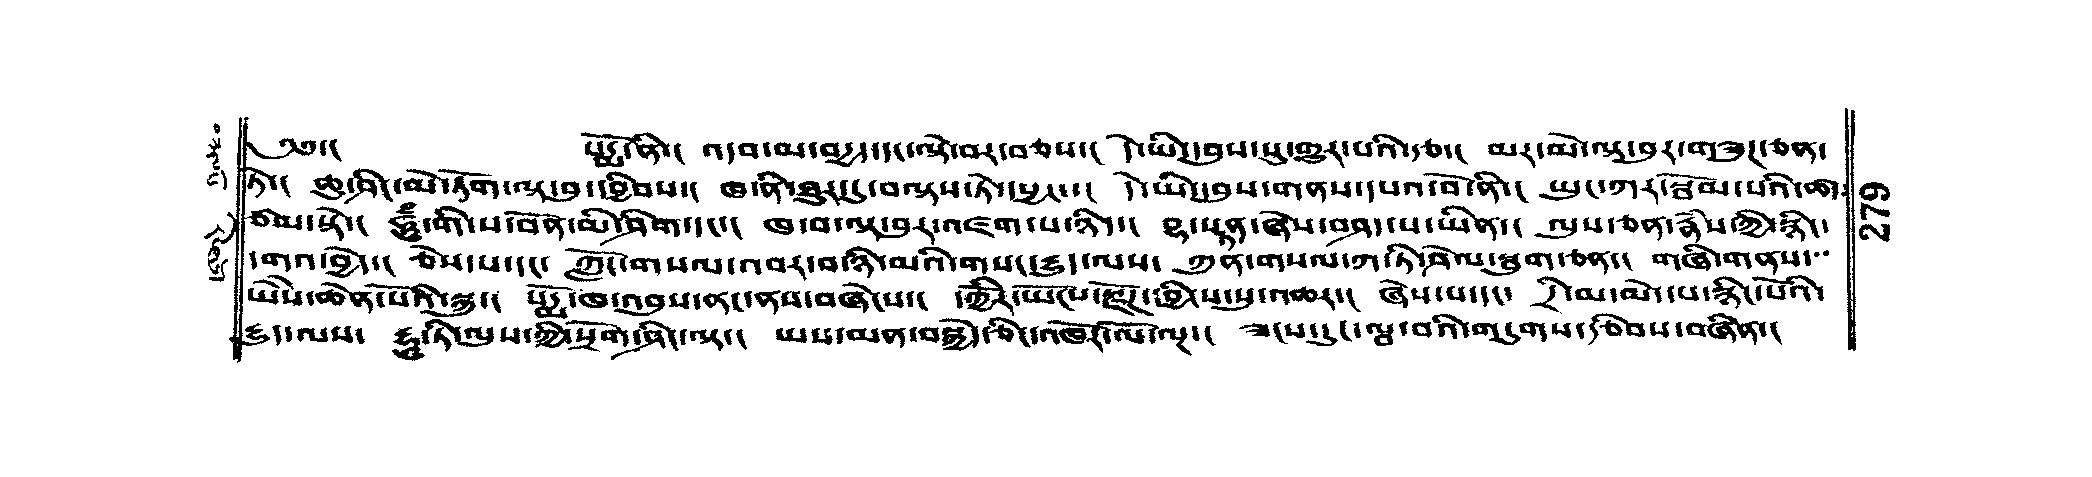པདྨོ་ནི། །འདབ་མ་བརྒྱད་དང་ལྟེ་བར་བཅས། །དེ་ཡི་དབུས་སུ་གྱུར་པའི་རྩ། །མར་མེ་ལྟ་བུར་གཟུགས་ཅན་
ཏེ། །ཆུ་ཤིང་མེ་ཏོག་ལྟ་བུ་དབྱིབས། །ཁ་ནི་ཐུར་དུ་བལྟས་ཏེ་དཔྱང་། །དེ་ཡི་དབུས་གནས་དཔའ་བོ་ནི། །ཡུངས་ཀར་སྦོམ་པའི་ཚད་
ཙམ་སྟེ། །ཧཱུྃ་གི་ས་བོན་མི་ཤིགས་དང་། །ཁ་བ་ལྟ་བུར་འཛག་པ་ཉིད། །བྷ་སནྟ་ཞེས་བཤད་པ་ཡིན། །ལུས་ཅན་རྣམས་ཀྱི་སྙིང་
དགའ་བྱེད། ཅེས་པ་དང་། ཀློང་གསལ་འབར་བ་ཉི་མའི་གསང་རྒྱུད་ལས། ཀུན་གསལ་ཀ་ཏི་ཤེལ་སྦུག་ཅན། །གཞི་གནས་
ཡེ་ཤེས་ཆེན་པོའི་སྐུ། །པདྨོ་ཁ་འབུས་ནང་ནས་བཞེངས། །དཀྱིལ་འཁོར་ཡོངས་རྫོགས་དབྱིངས་སུ་འཆར། ཞེས་པ་དང་། དྲི་མ་མེད་པ་སྙིང་པོའི་
རྒྱུད་ལས། དྷཱུ་ཏི་ལུས་ཀྱི་སྲོག་ཤིང་ལྟ། །ཡས་མན་བསྐྱེད་ཅིང་འཁོར་ལོ་ལྔ། །ཟངས་དུང་ལྦ་བའི་གདུགས་རྩིབས་བཞིན།